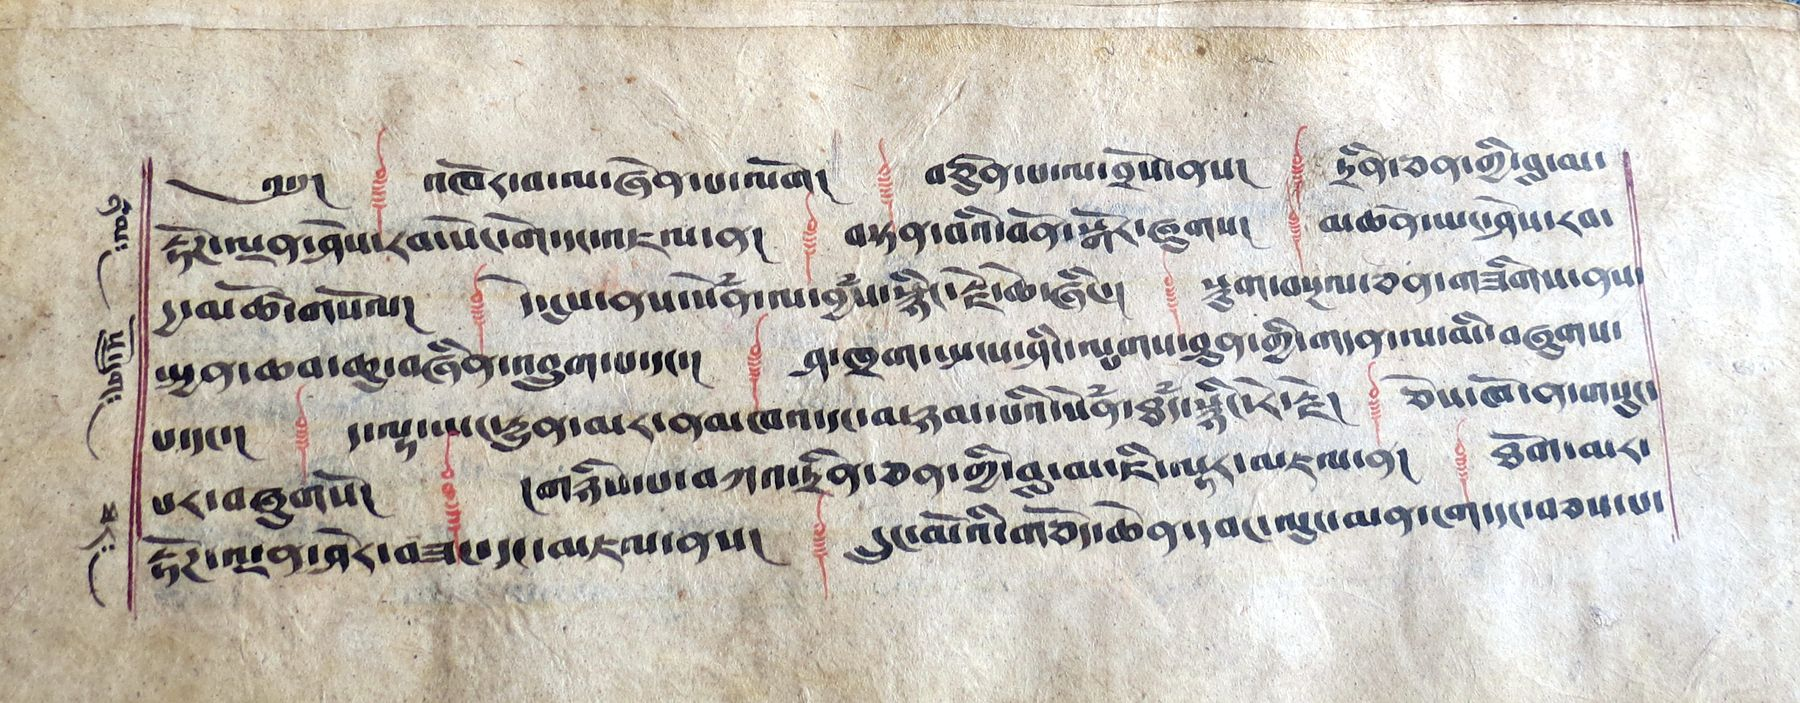འཁོར་བ་ལ་ཞེན་པ་ལོག བཙུན་པ་ལ་བྲོས་ནས། དྲིན་ཅན་གྱི་བླ་མ་
རྟོགས་ལྡན་ཤེས་རབ་སེང་གེ་དང་མཇལ་ནས། བསྟན་པའི་བོན་སྒོར་ཞུགས། མཚན་ཡང་ཤེས་རབ་
རྒྱ་མཚོ་གསོལ། དེ་དུས་ནས་སེམས་ཅན་ལ་བྱམས་སྙིང་རྗེ་ཆེ་ཞིང་། སྡུག་བསྔལ་ཅན་གཟིགས་ནས་
སྤྱན་ཆབ་ཆུ་བཞིན་འབྲུག་པ་དང་། ཤ་ཁྲག་སྤངས་ཤིང་ལྤགས་ཤུན་གྱི་གདན་ལ་མི་བཞུགས། 
ད་ལྟ་ཡང་རྒྱུན་མར་ནམ་མཁའ་དང་མཉམ་པའི་སེམས་ཅན་ཐམས་ཅད་སྙིང་རེ་རྗེ་ཅེས་ཁོ་ན་གསུངས་
པར་བཞུགས་སོ། ། གཉིས་པ་བཀའ་དྲིན་ཅན་གྱི་བླ་མ་ཇི་ལྟར་མཇལ་ན། ཐོག་མར་
རྟོགས་ལྡན་ཤེར་བཟང་དང་མཇལ་ནས། དྲུང་མུའི་གཅོད་ཆེད་དབང་ལུང་མན་ངག་དང་བཅས་པ་